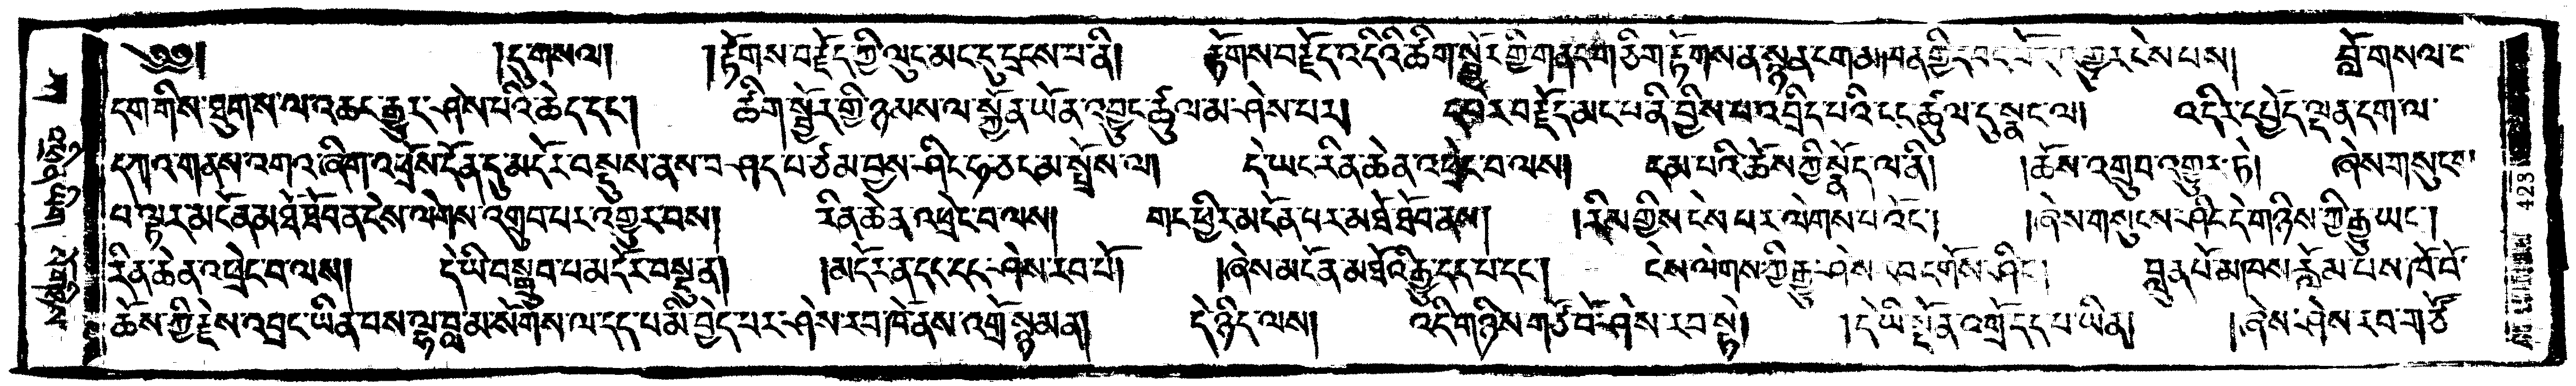༄༅། །དུ་གསལ། །རྟོགས་བརྗོད་ཀྱི་ལུང་མང་དུ་དྲངས་པ་ནི། རྟོགས་བརྗོད་འདིའི་ཚིག་སྦྱོར་གྱི་གནང་གཅིག་རྟོགས་ན་སྙན་ངག་མཁན་གྱི་དབང་པོར་གྱུར་ངེས་པས། བློ་གསལ་ང?
དག་གིས་ཐུགས་ལ་འཆང་རྒྱུར་ཤེས་པའི་ཆེད་དང་། ཚིག་སྦྱོར་གྱི་ཉམས་ལ་སྐྱོན་ཡོན་འབྱུང་ཚུལ་མ་ཤེས་པར། དབེར་བརྗོད་མང་པ་ནི་བྱིས་པ་འབྲིད་པའི་ངང་ཚུལ་དུ་སྣང་ལ། འདིར་དཔྱོད་ལྡན་དག་ལ་
དཀའ་གནས་འགའ་ཞིག་འཕྲོས་དོན་དུ་མདོར་བསྡུས་ནས་བཤད་པ་ཙམ་བྱས་ཤིང་ཧ་ཅང་མ་སྤྲོས་ལ། དེ་ཡང་རིན་ཆེན་འཕྲེང་བ་ལས། དམ་པའི་ཆོས་ཀྱི་སྣོད་ལ་ནི། ཆོས་འགྲུབ་འགྱུར་ཏེ། ཞེས་གསུངས་
བ་ལྟར་མངོན་མཐོ་ཐོབ་ན་ངེས་ལེགས་འགྲུབ་པར་འགྱུར་བས། རིན་ཆེན་འཕྲེང་བ་ལས། གང་ཕྱིར་མངོན་པར་མཐོ་ཐོབ་ནས། །རིམ་གྱིས་ངེས་པར་ལེགས་པ་འོང་། །ཞེས་གསུངས་ཤིང་དེ་གཉིས་ཀྱི་རྒྱུ་ཡང་།
རིན་ཆེན་འཕྲེང་བ་ལས། དེ་ཡི་བསྒྲུབ་པ་མདོར་བསྡུ་ན། །མདོར་ན་དང་དང་ཤེས་རབ་བོ། །ཞེས་མངོན་མཐོའི་རྒྱུ་དང་པ་དང་། ངེས་ལེགས་ཀྱི་རྒྱུ་ཤེས་རབ?་དགོས་ཤིང་། བླུན་པོ་མཁས་རློམ་པས་ཁོ་བོ་
ཆོས་ཀྱི་རྗེས་འབྲང་ཡིན་བས་ལྷ་བླ་མ་སོགས་ལ་དད་པ་མི་བྱེད་པར་ཤེས་རབ་ཁོ་ནས་འགྲོ་སྙམ་ན། དེ་ཉིད་ལས། འདི་གཉིས་གཙོ་བོ་ཤེས་རབ་སྟེ། །དེ་ཡི་སྔོན་འགྲོ་དད་པ་ཡིན། །ཞེས་ཤེས་རབ་གཙོ་